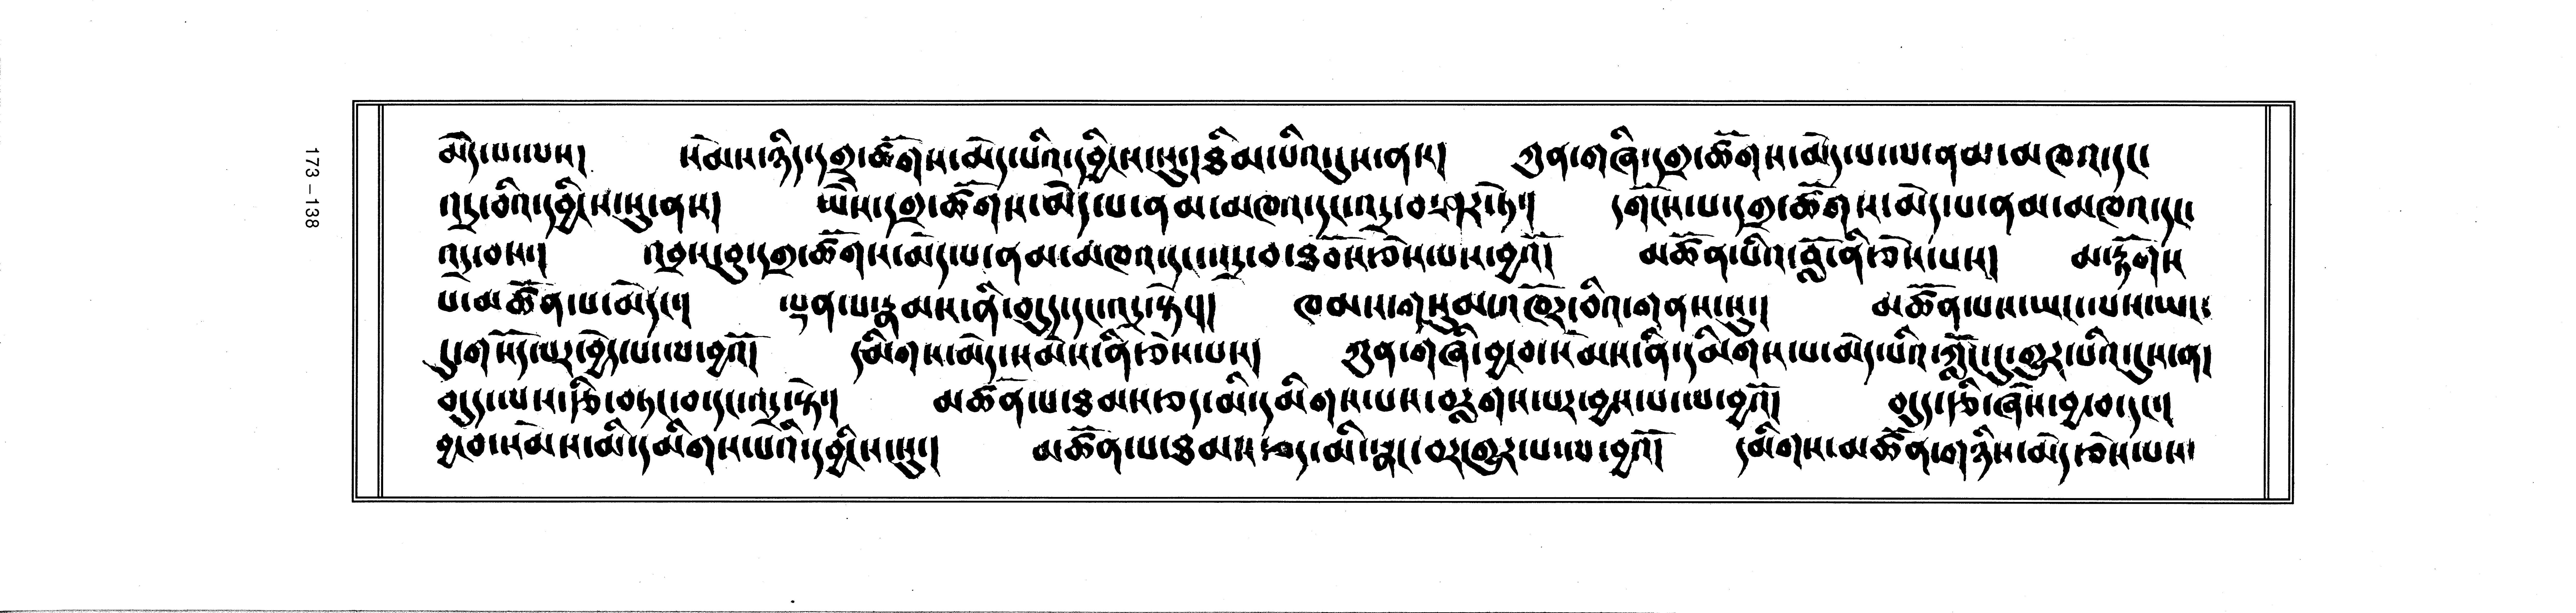མེད་པ་ལས་སེམས་ཉིད་དགྲ་ཚོགས་མེད་པའི་དབྱིངས་སུ་ཐིམ་པའི་དུས་ན། ཀུན་གཞི་དགྲ་ཚོགས་མེད་པ་ནམ་མཁའ་དང་
འདྲ་བའི་དབྱིངས་ནས། ཡེ་ཤེས་དགྲ་ཚོགས་མེད་པ་ནམ་མཁའ་དང་འདྲ་བ་ཤར་ཏེ། དགོངས་པ་དགྲ་ཚོགས་མེད་པ་ནམ་མཁའ་དང་
འདྲ་བས། འབྲས་བུ་དགྲ་ཚོགས་མེད་པ་ནམ་མཁའ་དང་འདྲ་བ་ཐོབ་ཅེས་བྱའོ། །མཚོན་པའི་བློ་ནི་ཅེས་པས། མ་རྟོགས་
པ་མཚོན་པ་མེད་དང་ལྡན་པ་རྣམས་ནི། བདུད་དང་འདྲ་སྟེ། ཁམས་གསུམ་འཁོར་བའི་གནས་སུ་མཚོན་པས་ཡང་ནས་ཡང་
དུ་གསོད་པར་བྱེད་པ་ལ་བྱའོ། །དམིགས་མེད་སེམས་ནི་ཅེས་པ། ཀུན་གཞི་བྱང་ཆུབ་སེམས་ནི་དམིགས་པ་མེད་པའི་ཀློང་དུ་གྱུར་པའི་དུས་ན། 
བདུད་ལ་རྩི་བཏང་བ་དང་འདྲ་སྟེ། མཚོན་པ་ཐམས་ཅད་མི་དམིགས་པས་བརླག་པར་བྱས་པ་ལ་བྱའོ། །བདུད་རྩི་ཞེས་བྱ་བ་དང་། 
བྱང་ཆུབ་ཀྱི་སེམས་མི་དམིགས་པའི་དབྱིངས་སུ། མཚོན་པ་ཐམས་ཅད་མི་སྣང་བར་གྱུར་པ་ལ་བྱའོ། །དམིགས་མཚོན་གཉིས་མེད་ཅེས་པས།